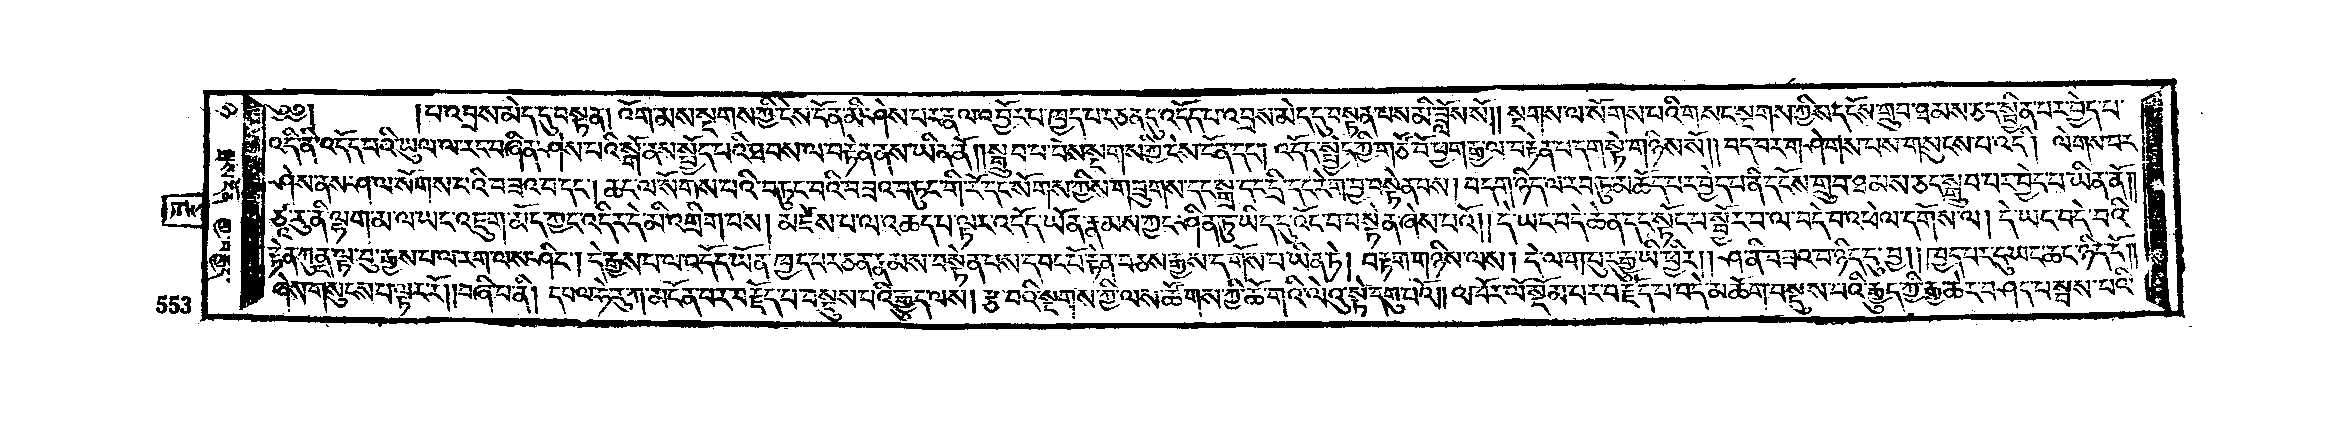༄༅། །པ་འབྲས་མེད་དུ་བསྟན། འོག་མས་སྔགས་ཀྱི་ངེས་དོན་མི་ཤེས་པར་རྣལ་འབྱོར་པ་ཁྱད་པར་ཅན་དུ་འདོད་པ་འབྲས་མེད་དུ་བསྟན་པས་མི་ཟློས་སོ། །སྔགས་ལ་སོགས་པའི་གསང་སྔགས་ཀྱིས་དངོས་གྲུབ་ཐམས་ཅད་སྦྱིན་པར་བྱེད་པ་
འདི་ནི་འདོད་པའི་ཡུལ་ལ་རང་བཞིན་ཤེས་པའི་སྒོ་ནས་སྤྱོད་པའི་ཐབས་ལ་བརྟེན་ནས་ཡིན་ནོ། །སྒྲུབ་པ་པོས་སྔགས་ཀྱི་ངེས་དོན་དང་། འདོད་སྤྱོད་ཀྱི་གཙོ་བོ་ཕྱག་རྒྱ་ལ་བརྟེན་པ་དག་སྟེ་གཉིས་སོ། །བདེ་བར་གཤེགས་པས་གསུངས་པ་འདི། ལེགས་པར་
ཤེས་ནས་ཤ་ལ་སོགས་པའི་བཟའ་བ་དང་། ཆང་ལ་སོགས་པའི་བཏུང་བའི་བཟའ་བཏུང་གི་རོ་དང་སོགས་ཀྱིས་གཟུགས་དང་སྒྲ་དང་དྲི་དང་རེག་བྱ་བསྟེན་པས། བདག་ཉིད་ལ་རབ་ཏུ་མཆོད་པར་བྱེད་པ་ནི་དངོས་གྲུབ་ཐམས་ཅད་སྒྲུབ་པར་བྱེད་པ་ཡིན་ནོ། །
ཙཱུ་ཏུ་ནི་ལྷག་མ་ལ་ཡང་འཇུག་མོད་ཀྱང་འདིར་དེ་མི་འགྲིག་པས། མཛེས་པ་ལ་འཆད་པ་ལྟར་འདོད་ཡོན་རྣམས་ཀྱང་ཤིན་ཏུ་ཡིད་དུ་འོང་བ་བསྟེན་ཞེས་པའོ། །དེ་ཡང་བདེ་ཆེན་དང་སྟོང་པ་སྦྱོར་བ་ལ་བདེ་བ་འཕེལ་དགོས་ལ། དེ་ཡང་བདེ་བའི་
རྟེན་ཀུནྡ་ལྟ་བུ་རྒྱས་པ་ལ་རག་ལས་ཤིང་། དེ་རྒྱས་པ་ལ་འདོད་ཡོན་ཁྱད་པར་ཅན་རྣམས་བསྟེན་པས་དབང་པོ་རྟེན་བཅས་རྒྱས་དགོས་པ་ཡིན་ཏེ། བརྟག་གཉིས་ལས། དེ་ལ་ག་པུར་རྒྱུ་ཡི་ཕྱིར། །ཤ་ནི་བཟའ་བ་ཉིད་དུ་བྱ། །ཁྱད་པར་དུ་ཡང་ཆང་ཉིད་དོ། །
ཞེས་གསུངས་པ་ལྟར་རོ། །བཞི་པ་ནི། དཔལ་ཧེ་རུ་ཀ་མངོན་པར་བརྗོད་པ་བསྡུས་པའི་རྒྱུད་ལས། རྩ་བའི་སྔགས་ཀྱི་ལས་ཚོགས་ཀྱི་ཆོ་གའི་ལེའུ་སྟེ་དགུ་པའོ། །འཁོར་ལོ་སྡོམ་པར་བརྗོད་པ་བདེ་མཆོག་བསྡུས་པའི་རྒྱུད་ཀྱི་རྒྱ་ཆེར་བཤད་པ་སྦས་པའི་